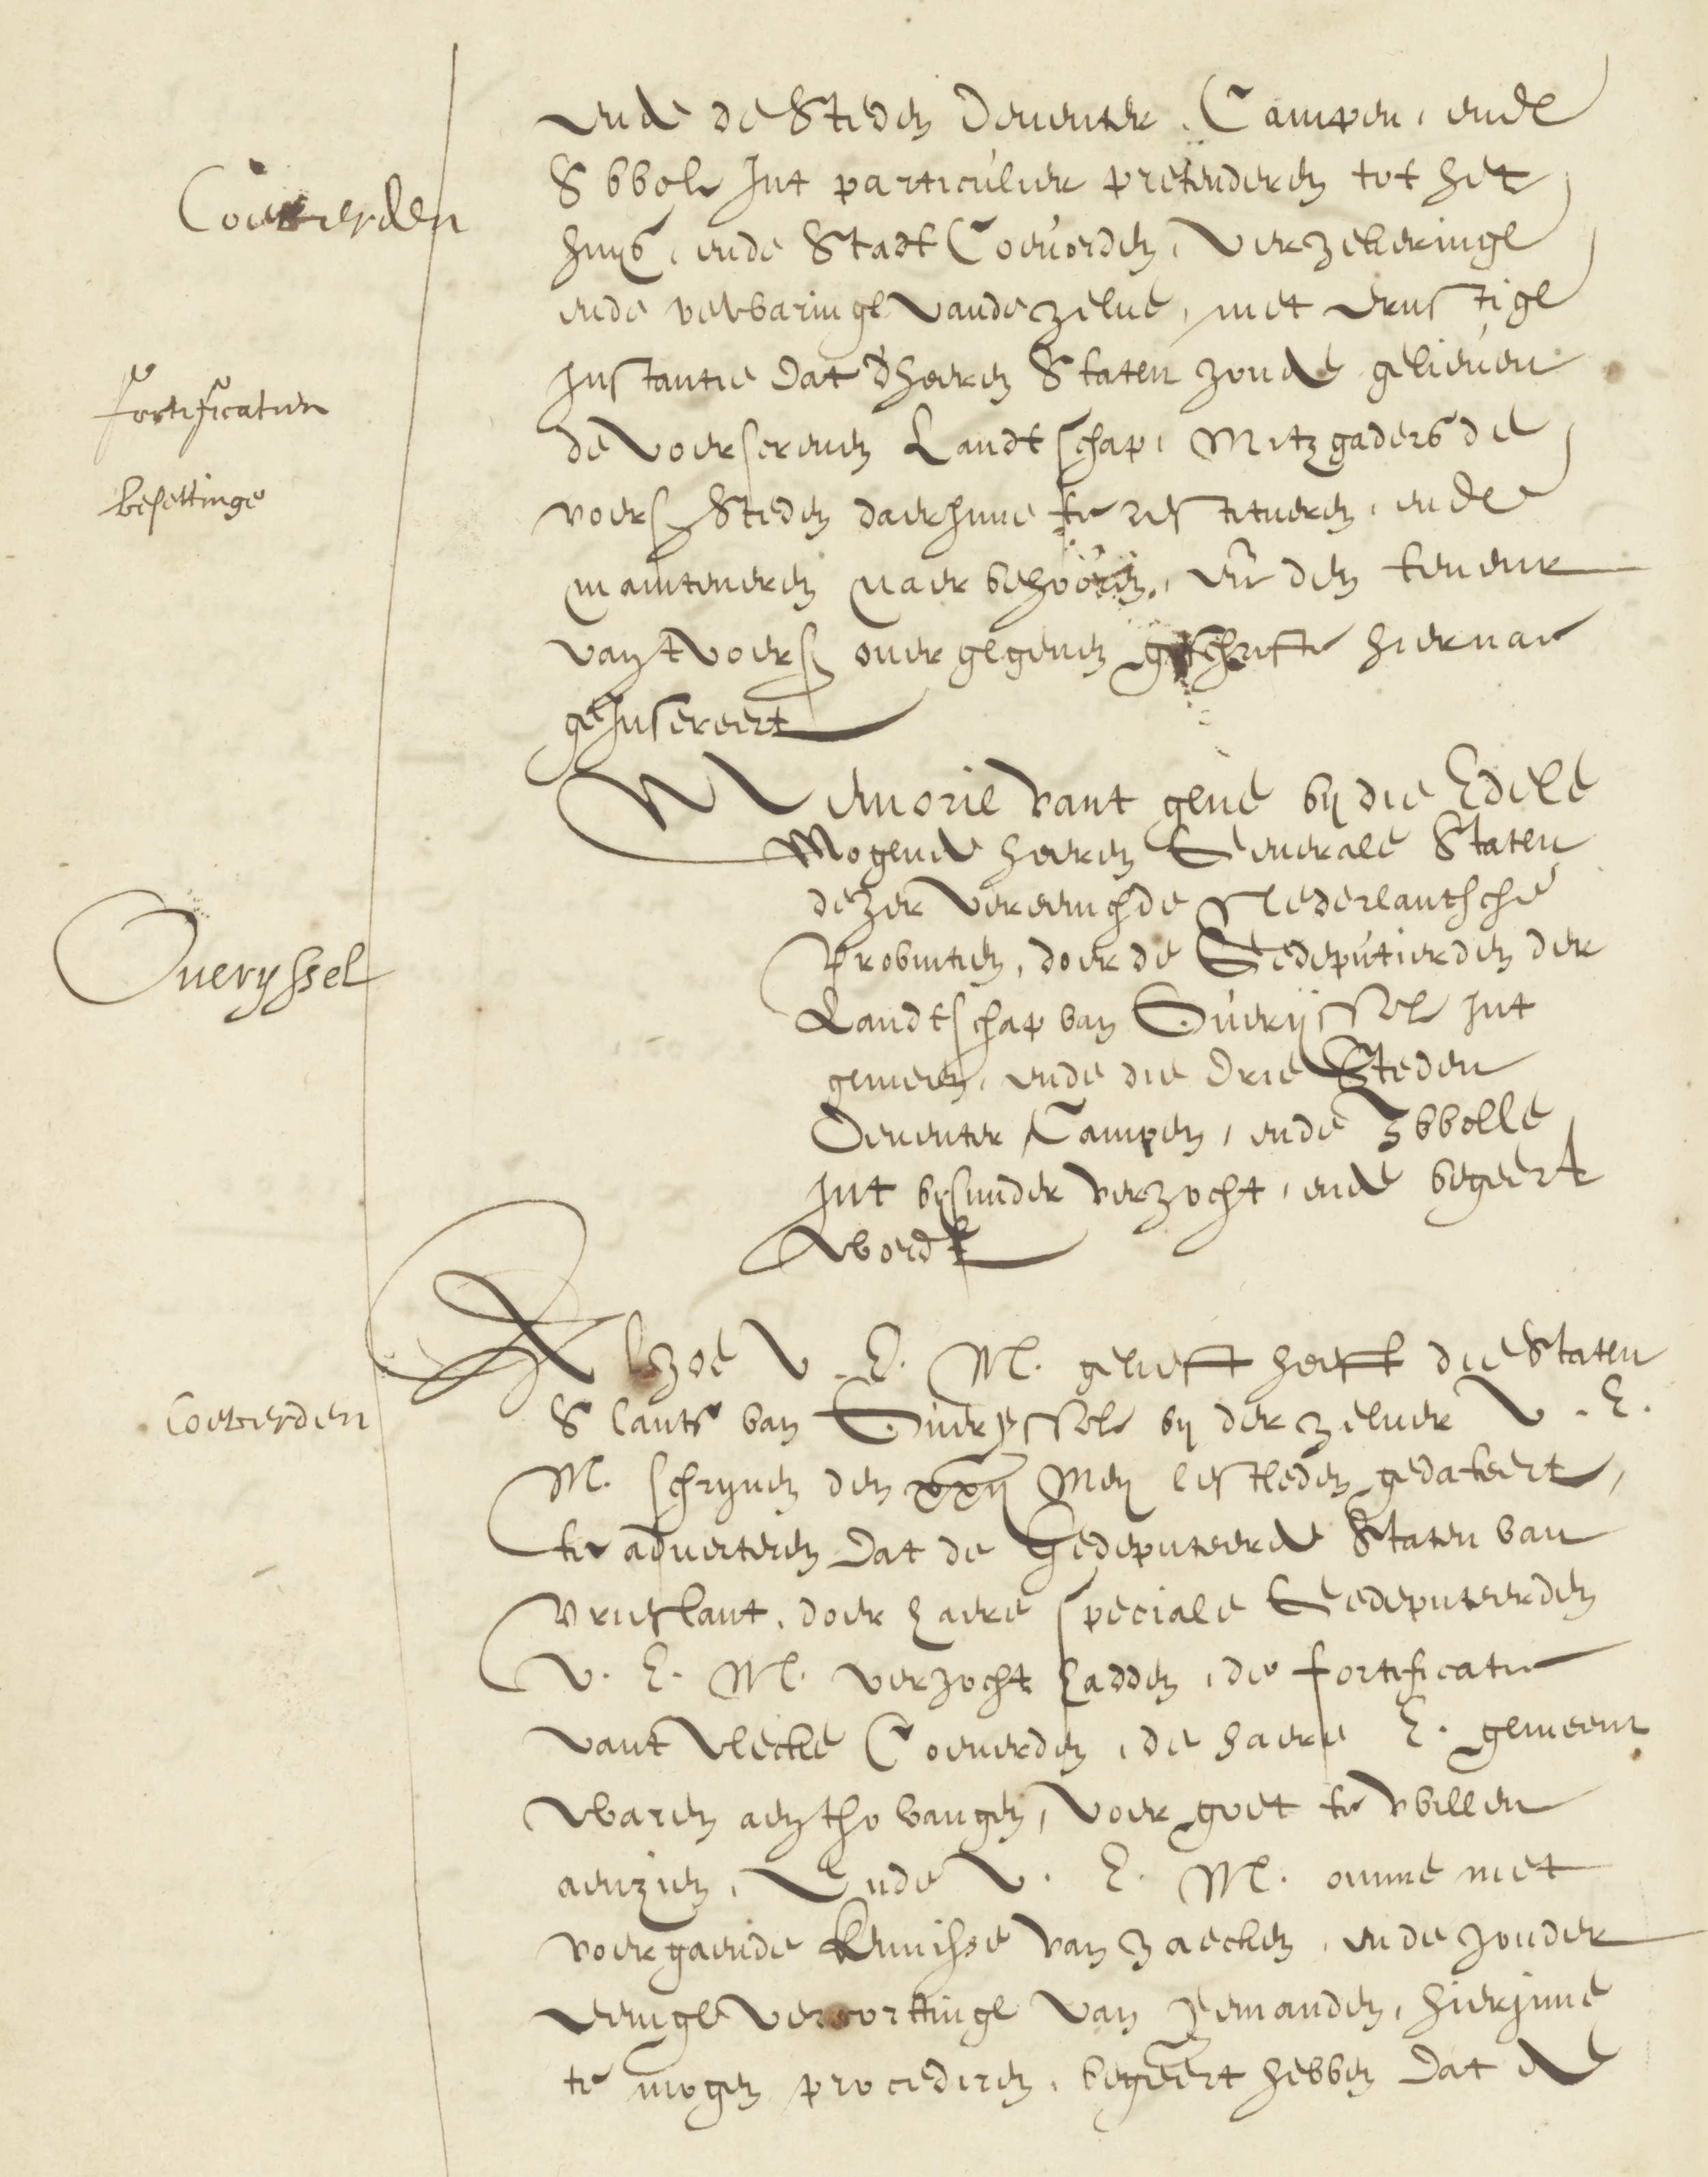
Coeverden
fortificatien
besettinge
ende de Steden Deuenter, Campen, ende
Swol Int particulier pretenderen tot het
huys, ende Stadt Coevorden, verzekeringe
ende vewaringe vande zelue, met ernstige
Instantie dat d'heeren Staten zoude gelieuen
de voerscreuen Landtschap, mitzgaders de
voers steden daerinne te restitueren, ende
mainteneren naer behooren, en den teneur
van t voers ouer gegeuen geschrifte hiernae
geinsereert
Overyssel
Memorie vant gene by die Edele
Mogende heeren Generale Staten
dezer vereenichde Nederlantsche
provintien, doer de Gedeputierden der
Landtschap van Oueryssel int
gemeen, ende die drie steden
Deventer, Campen, ende Zwolle
int bysunder verzocht, ende begeert
wordt
Alzoe U. E. M. gelieft heeft die Staten
S lants van Oueryssel by der zeluer U. E.
M. schryuen den xxij Mey lestleden gedateert,
te aduerteren dat de Gedeputeerde Staten van
Vrieslant, doer haere speciale Gedeputeerden
U. E. M. verzocht hadden, de fortificatie
vant vlecke Coeverden, die haere E. gemeent
waren aentho vangen, voer goet te willen
aenzien, ende U. E. M. omme met
voergaende kennisse van zaecken, ende zonder
eenige vercortinge van yemanden, hierinne
te mogen procediren, begeert hebben dat de
Coeverden
